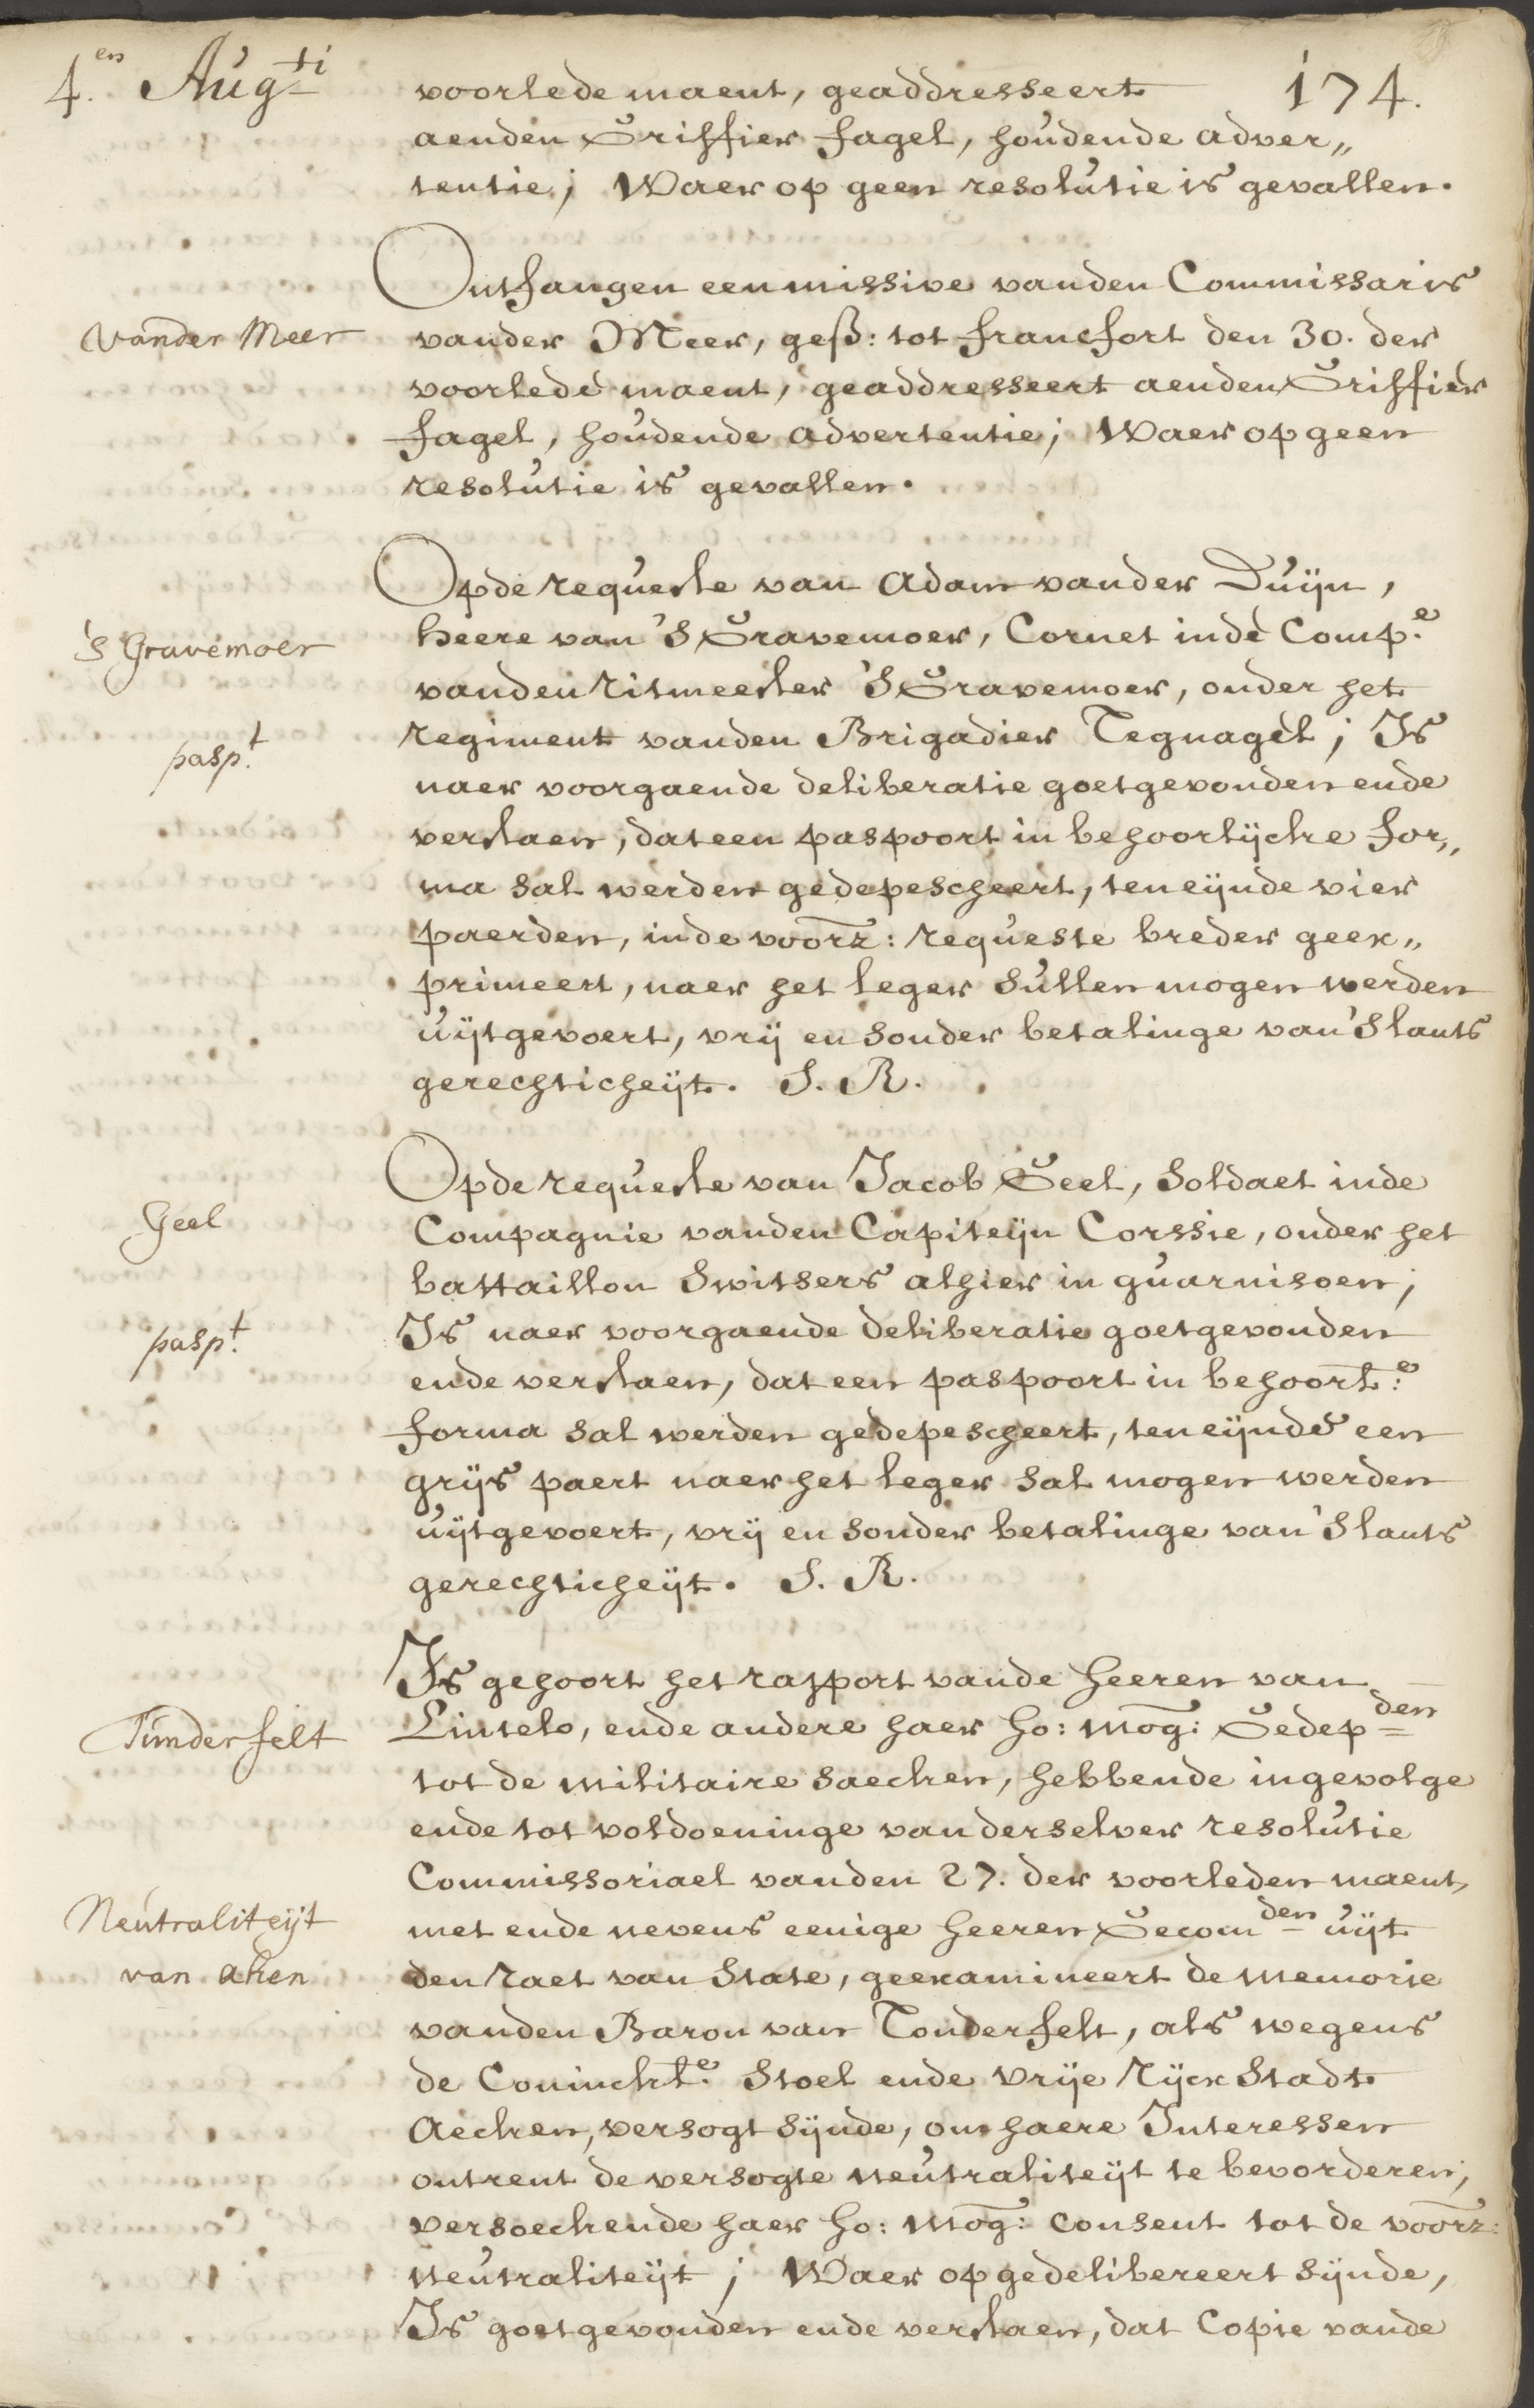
174.
4. Augsti
voorlede maent, geaddresseert
aenden Griffier Fagel, houdende adver„
tentie; Waer op geen resolutie is gevallen.
vander Meer
Ontfangen een missive vanden Commissaris
vander Meer, ges: tot Francfort den 30. der
voorlede maent, geaddresseert aenden Griffier
Fagel, houdende advertentie; Waer op geen
resolutie is gevallen.
‛s Gravemoer
paspt.
Opde requeste van Adam vander Duijn,
heere van ‛s Gravemoer, Cornet inde Compe.
vanden ritmeester ‛s Gravemoer, onder het
regiment vanden Brigadier Tegnagel, Is
naer voorgaende deliberatie goetgevonden ende
verslaen, dat een paspoort in behoorlijcke for„
ma sal werden gedepescheert, teneijnde vier
paerden, inde voorz: requeste breder geex„
primeert, naer het leger sullen mogen werden
uijtgevoert, vrij en sonder betalinge van ‛slants
gerechticheijt. S. R.
Geel
paspt.
Opde requeste van Jacob Geel, soldaet inde
Compagnie vanden Capiteijn Corssie, onder het
battaillon Switsers alhier in guarnisoen;
Is naer voorgaende deliberatie goetgevonden
ende verstaen, dat een paspoort in behoorle:
forma sal werden gedepescheert, ten eijnde een
grijs paert naer het leger sal mogen werden
uijtgevoert, vrij en sonder betalinge van ‛slants
gerechticheijt. S.R.
Tunderfelt
Neutraliteijt
van Aken
Is gehoort het rapport vande heeren van
Lintelo, ende andere haer Ho:Mog: Gedepden:
tot de militaire saecken, hebbende ingevolge
ende tot voldoeninge van derselver resolutie
Commissoriael vanden 27. der voorleden maent,
met ende nevens eenige heeren Gecomden uijt
den Raet van State, geexamineert de memorie
vanden Baron van Tonderfelt, als wegens
de Coninckle. Stoel ende Vrije Rijcx Stadt
Aecken, versogt sijnde, om haere Interessen
ontrent de versogte neutraliteijt te bevorderen,
versoeckende haer Ho:Mog: consent tot de voors
neutraliteijt; Waer op gedelibereert sijnde,
Is goetgevonden ende verstaen, dat copie vande
